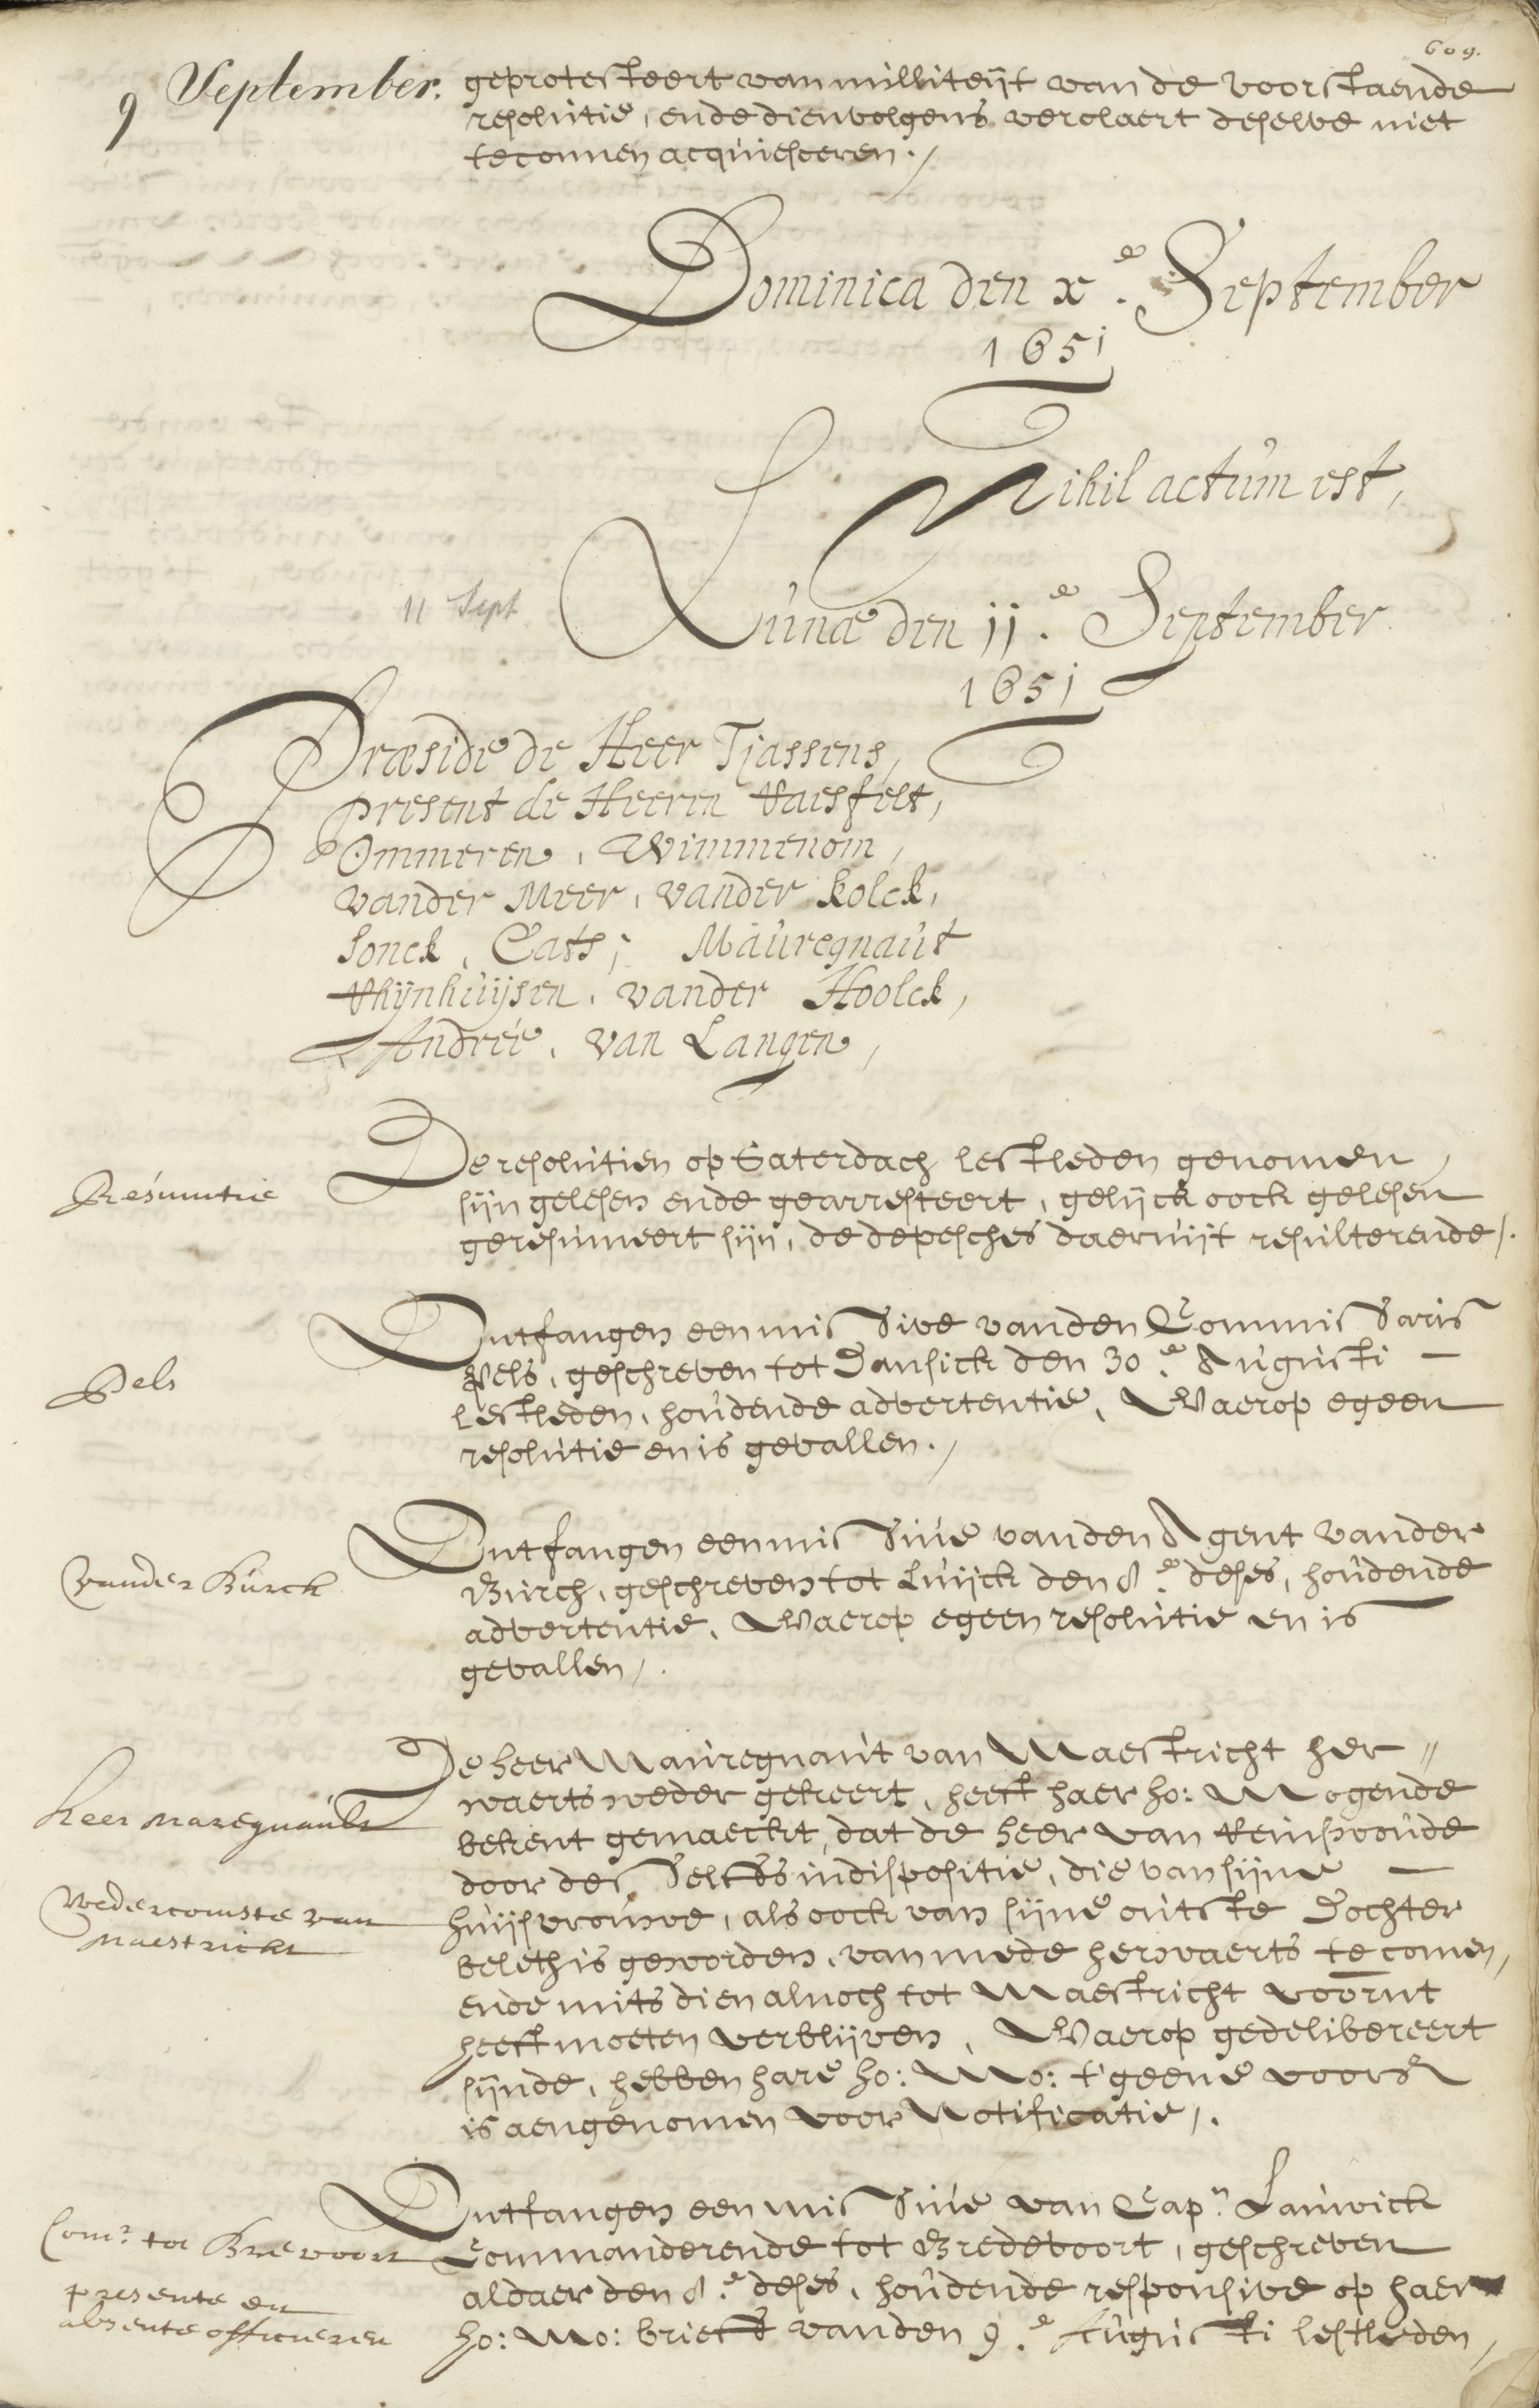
609.
9 September.
geprotesteert van milliteijt van de voorstaende
resolutie, ende dienvolgens verclaert deselve niet
te connen acquieseeren.
Dominica den xe. September
1651
Nihil actum est,
11 Sept
Luna den iie. September
1651.
Præside de Heer Tjassens,
present de Heeren Raesfelt,
Ommeren, Wimmenom,
vander Meer, vander Kolck,
Sonck, Cats, Mauregnaut
Rhijnhuiijsen, vander Hoolck,
Andreé, van Langen.
Resumtie
De resolutien op Saterdach lestleden genomen,
sijn gelesen ende gearresteert, gelijck oock gelesen
geresumeert sijn, de depesches daeruijt resulterende.
Pels
Ontfangen een missive vanden Commissaris
Pels, geschreven tot Dansick den 30e. Augusti
lestleden, houdende advertentie. Waerop egeen
resolutie en is gevallen.
vander Burch
Ontfangen een missiue van den Agent vander
Burch, geschreven tot Luijck den 8e. deses, houdende
advertentie. Waerop egeen resolutie en is
gevallen.
Heer maregnault
Wedercomste van
maestricht
De heer Mauregnaut van Maestricht her„
waerts weder gekeert, heeft haer ho:Mogende
bekent gemaeckt, dat de heer van Reinswoude
door desselffs indispositie, die van sijne
huijsvrouwe, als oock van sijne outste Dochter
beleth is geworden, van mede herwaerts te comen,
ende mitsdien alnoch tot Maestricht voornt
heeft moeten verblijven. Waerop gedelibereert
sijnde, hebben hare ho:Mo: t'geene voors
is aengenomen voor Notificatie.
Comr tot Brevoort
presente en
absente officieren
Ontfangen een missiue van Capn. Lauwick
commanderende tot Bredevoort, geschreven
aldaer den 8e. deses, houdende responsive op haer
ho:Mo: brieff van den 9e. Augusti lestleden
